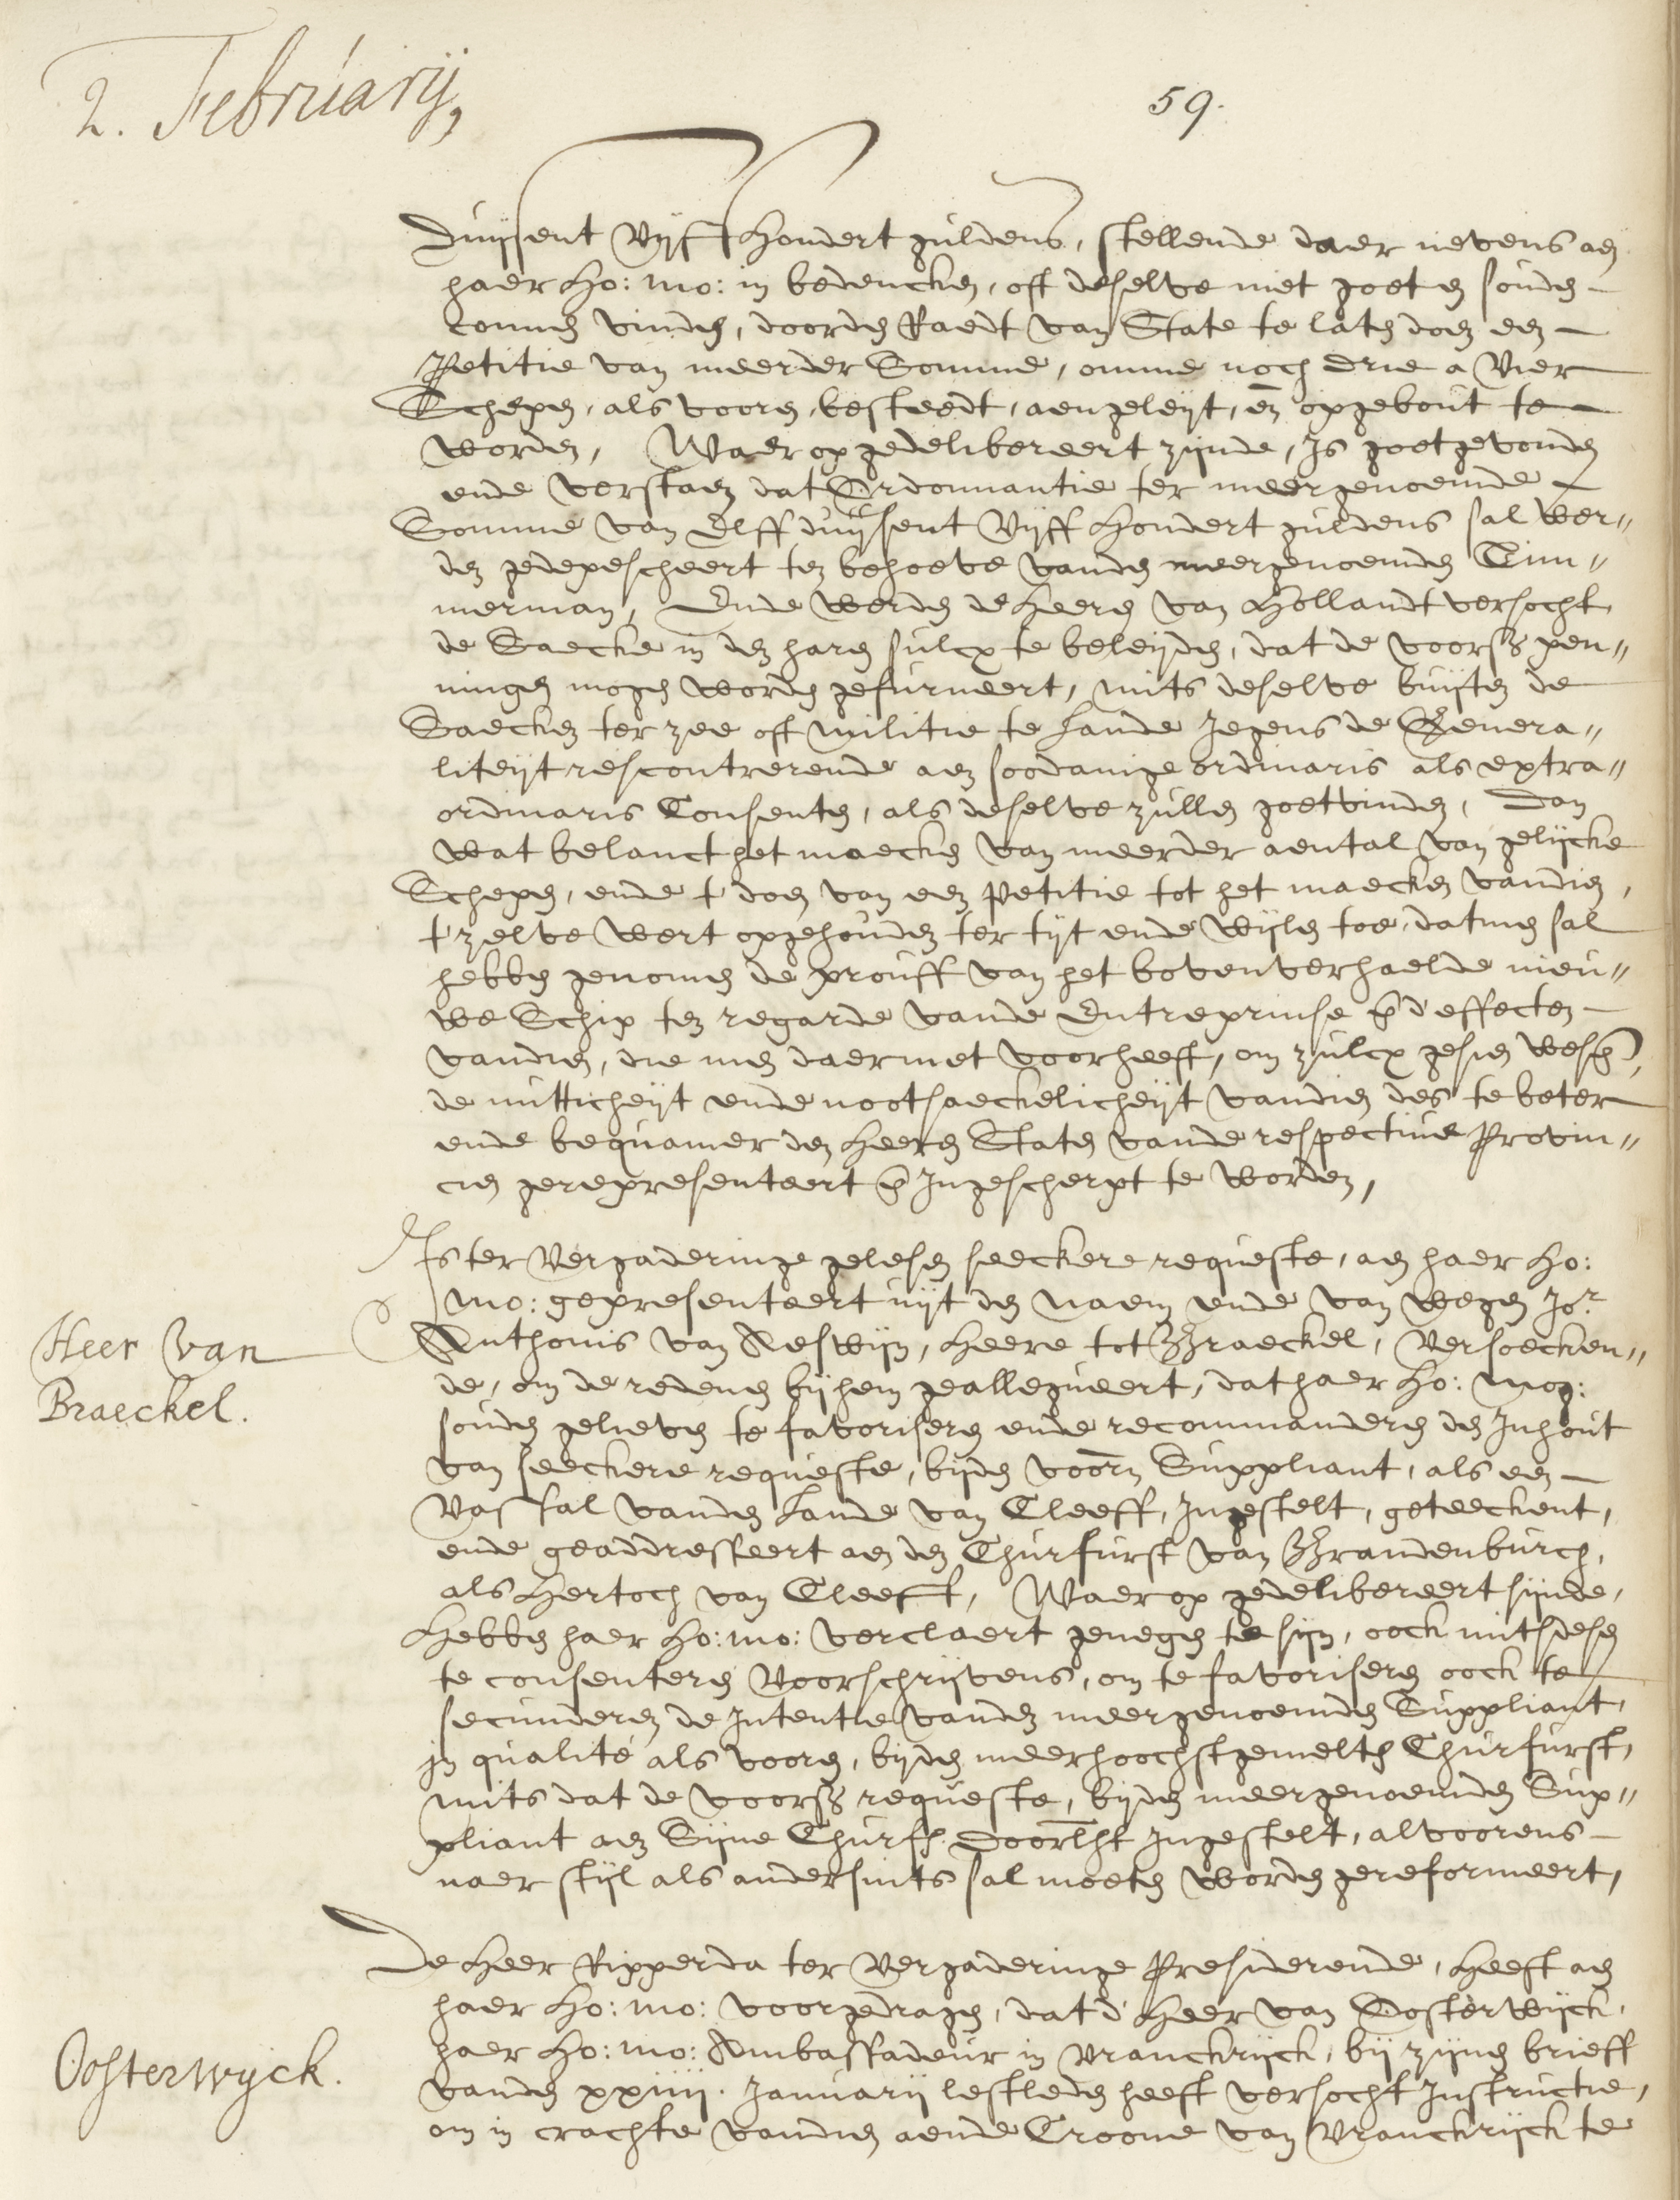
59.
2. Februarij,
duijsent vijffhondert guldens, stellende daer nevens aen
haer Ho:Mo: in bedencken, off deselve niet goet en souden —
connen vinden, door den Raedt van State te laten doen een —
Petitie van meerder Somme, omme noch drie a vier
Schepen, als vooren, besteedt, aengeleijt, en opgebout te
worden. Waerop gedelibereert zijnde, Is goetgevonden
ende verstaen dat Ordonnantie ter meergenoemde —
Somme van Elff duijsent Vijff hondert guldens sal wer„
den gedepescheert ten behoeve vanden meergenoemden Tim„
merman. Ende werden de Heeren van Hollandt versocht
de Saecke in den haren sulcx te beleijden, dat de voors pen„
ningen mogen worden gefurneert, mits deselve buijten de
Saecken ter zee off militie te Lande Jegens de Genera„
liteijt rescontrerende aen soodanige ordinaris als extra„
ordinaris Consenten, als deselve zullen goetvinden. Dan
wat belanct het maecken van meerder aental van gelijcke
Schepen, ende t‛doen van een petitie tot het maecken vandien,
t'zelve wert opgehouden ter tijt ende wijlen toe, datmen sal
hebben genomen de prouff van het bovenverhaelde nieu„
we Schip ten regarde vande Entreprinse & d'effecten —
vandien, die men daermet voorheeft, om zulcx gesien wesen
de nutticheijt ende nootsaeckelicheijt vandien des te beter
ende bequamer den heeren Staten vande respectiue Provin„
cien gerepresenteert & Ingescherpt te worden.
Heer van
Braeckel.
Is ter Vergaderinge gelesen seeckere requeste, aen haer Ho:
Mo: gepresenteert uijt den naem ende van wegen Jor.
Anthonis van Aeswijn, heere tot Braeckel, versoecken„
de, om de redenen bij hem geallegueert, dat haer Ho:Mog:
souden gelieven te favoriseren ende recommanderen den Inhout
van seeckere requeste, bijden voorn Suppliant, als een —
Vassal vanden Lande van Cleeff, Ingestelt, geteeckent,
ende geaddresseert aen den Churfurst van Brandenburch,
als hertoch van Cleeff. Waerop gedelibereert sijnde,
hebben haer Ho:Mo: verclaert genegen te sijn, oock mitsdesen
te consenteren Voorschrijvens, om te favoriseren oock te
secunderen de Intentie vanden meergenoemden Suppliant,
in qualité als vooren, bijden meerhoochstgemelten Churfurst,
mits dat de voors requeste, bijden meergenoemden Sup„
pliant aen Sijne Churfl. Doorlht Ingestelt, alvoorens —
naer stijl als andersints sal moeten worden gereformeert.
Oosterwijck.
De heer Ripperda ter Vergaderinge presiderende, heeft aen
haer Ho:Mo: voorgedragen, dat d'heer van Oosterwijck,
haer Ho:Mo: Ambassadeur in Vranckrijck, bij zijnen brieff
vanden xxiiij. Januarij lestleden heeft versocht Instructie,
om in crachte vandien aende Croone van Vranckrijck te
